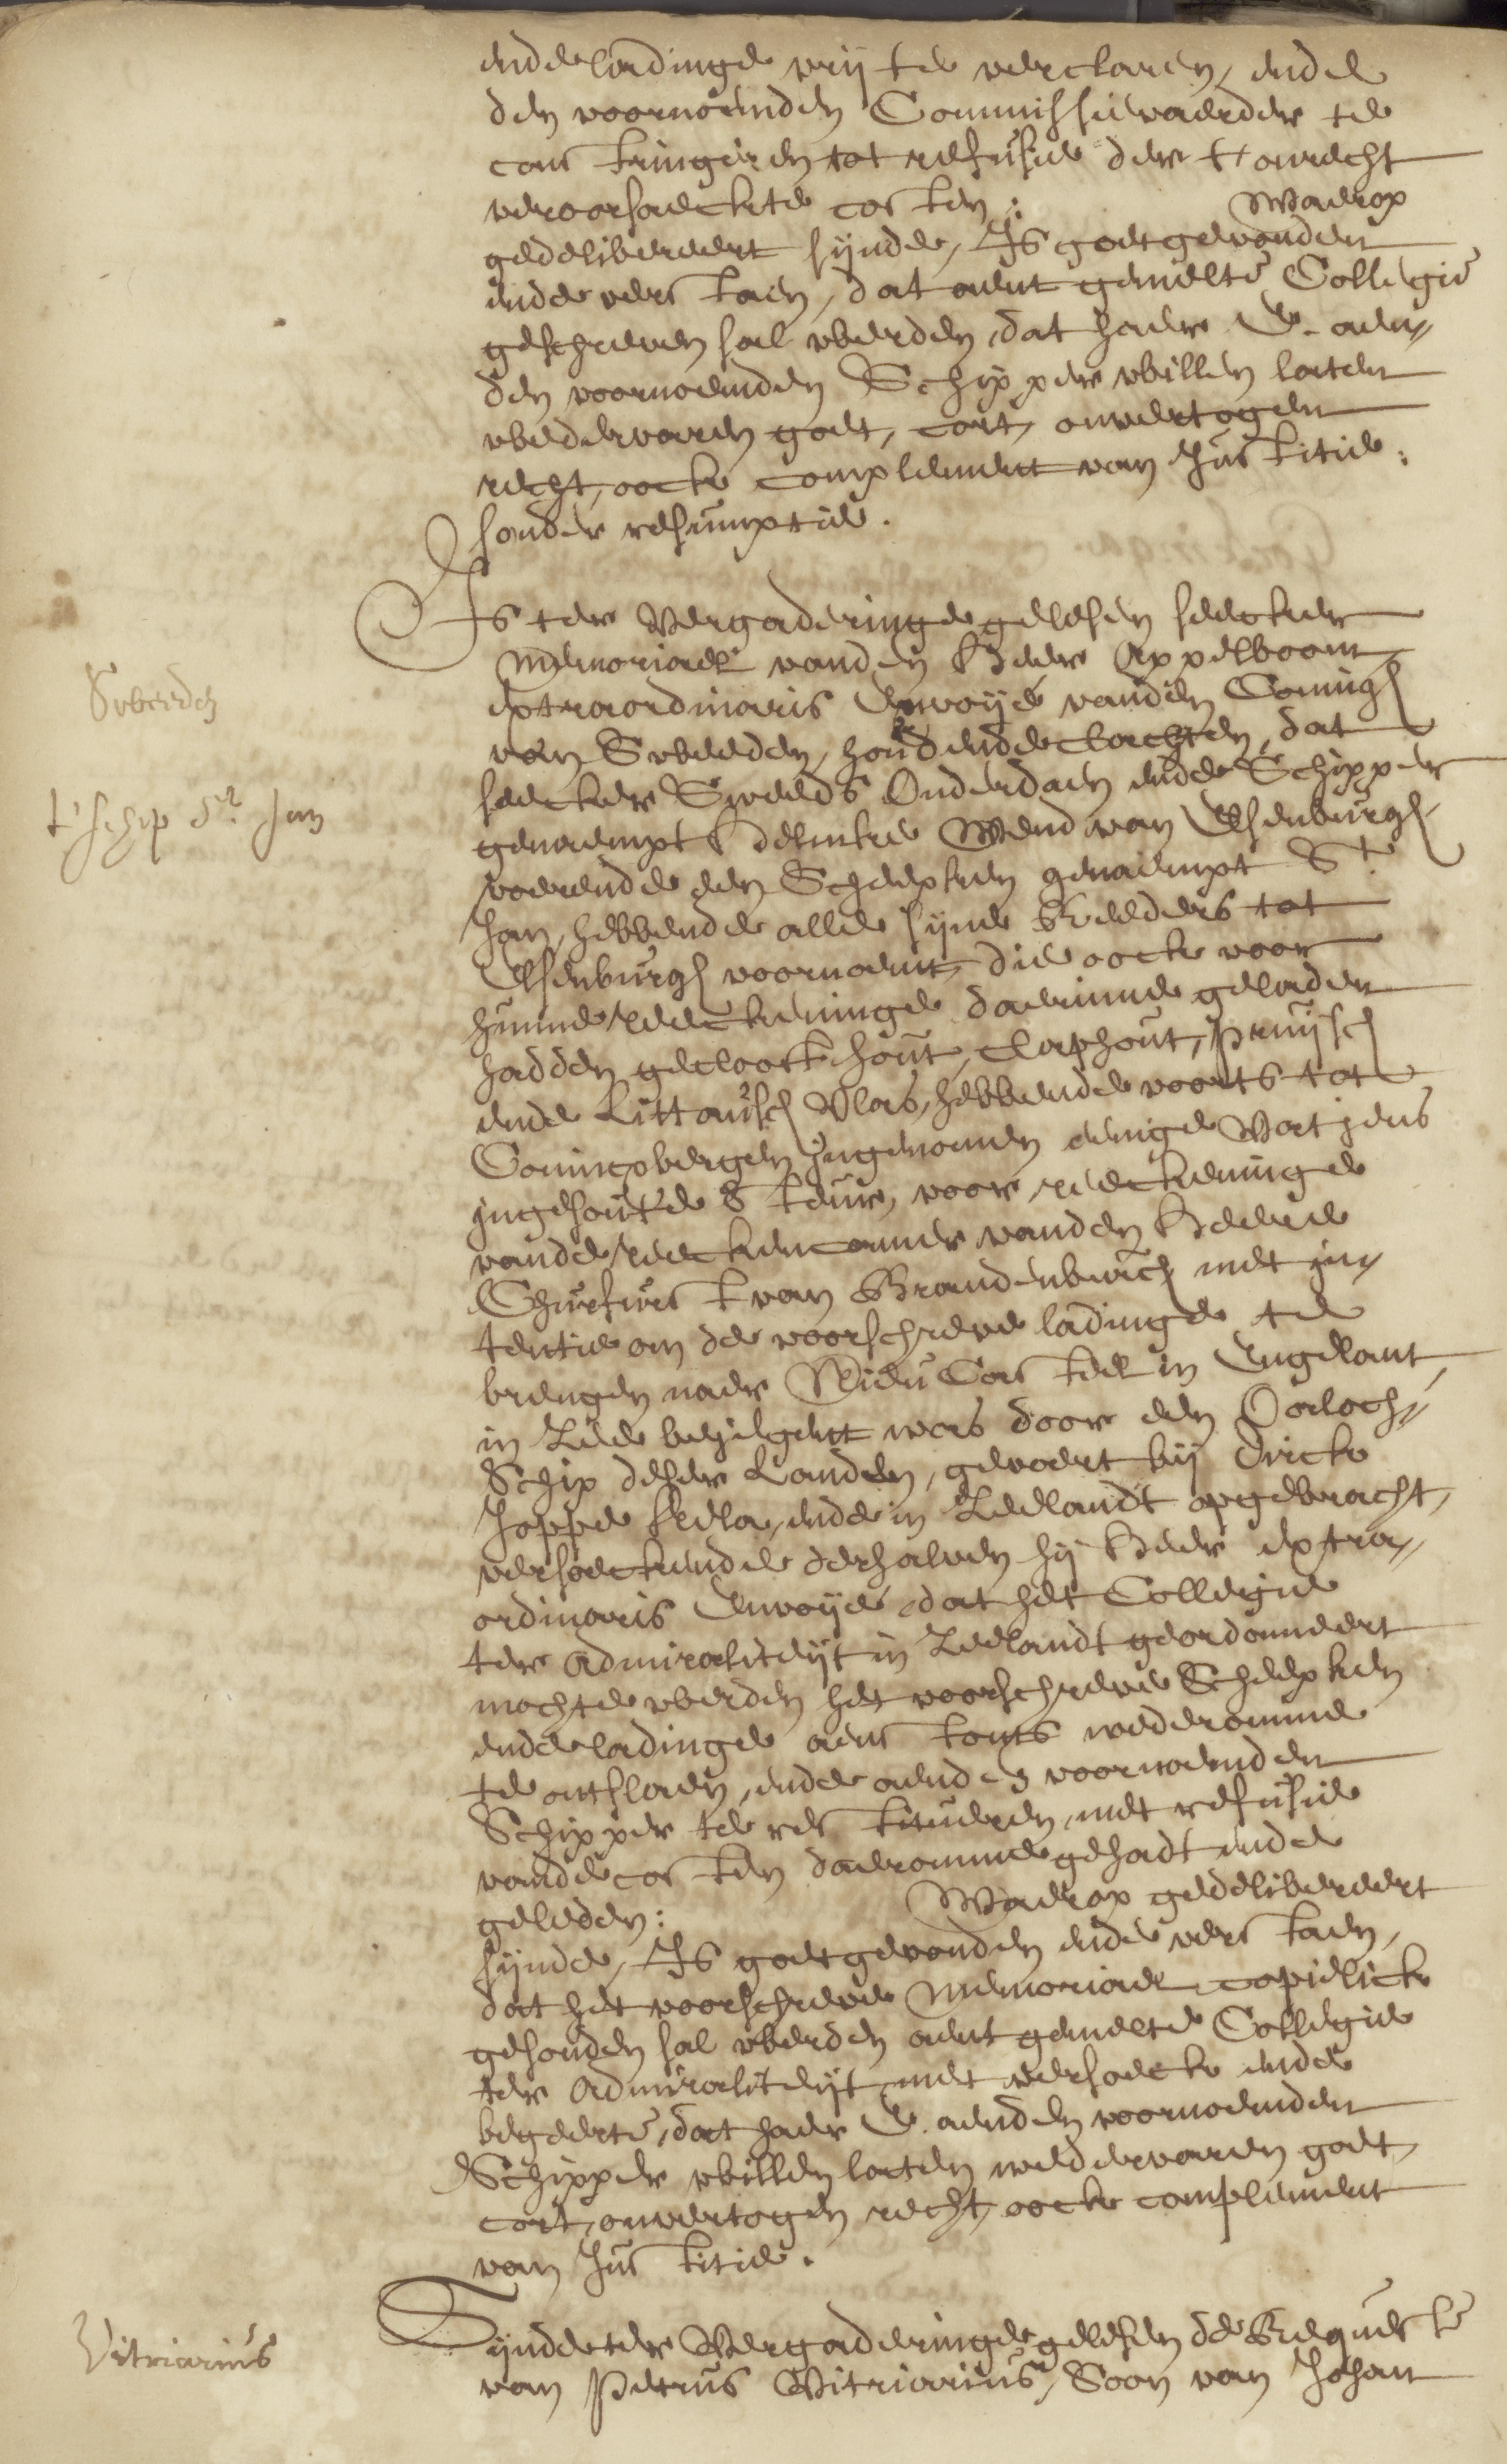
ende ladinge vrij te verclaren, ende
den voornoemden Commissievaerder te
constringeren tot refusie deur t'onrecht
veroorsaeckte costen: Waerop
gedelibereert sijnde, Is goetgevonden
ende verstaen, dat aent gemelte Collegie
geschreven sal werden, dat haer E. aen,,
den voornoemden Schipper willen laten
wedervaren goet, cort, onvertogen
recht, oock complement van Justitie:
sonder resumptie.
Sweeden
t' Schip St. Jan
Is ter Vergaderinge gelesen seecker
memoriael vanden Heer Appelboom
extraordinaris Envoijé vanden Coningh
van Sweeden, houdende clachten, dat
seecker Sweeds Onderdaen ende Schipper
genaempt Helmke Mend van Elsenburgh,
voerende een Scheepken genaempt St.
Jan, hebbende alle sijne Reeders tot
Elsenburgh voornoemt, die oock voor
hunne reeckeninge daerinne geladen
hadden geclooft hout, claphout, pruijsch
ende Littausch vlas, hebbende voorts tot
Conincxbergen ingenomen eenige vatjens
ingesoute Steur, voor reeckeninge
vande reeckencamer vanden Heere
Churfurst van Brandenburch, met in,,
tentie om de voorschreve ladinge te
brengen naer NieuCasteel in Engelant,
in Zee bejegent was door een Oorloch,,
Schip deser Landen, gevoert bij Dirck
Joppe Kela, ende in Zeelandt opgebracht,
versoeckende derhalven hij Heer extra„
ordinaris Envoijé, dat het Collegie
ter Admiraliteijt in Zeelandt geordonneert
mochte werden het voorschreve Scheepken
ende ladinge aenstonts wederomme
te ontslaen, ende aenden voornoemden
Schipper te restitueren, met refusie
vande costen daeromme gehadt ende
geleden: Waerop gedelibereert
sijnde, Is goet gevonden ende verstaen,
dat het voorschreve memoriael copielick
gesonden sal werden aent gemelte Collegie
ter Admiraliteijt met versoeck ende
begeerte, dat haer E. aenden voornoemden
Schipper willen laten wedervaren goet,
cort, onvertogen recht, oock complement
van Justitie.
Vitriarius
Sijnde ter Vergaderinge gelesen de Requeste
van Petrus Vitriarius, Soon van Johan
